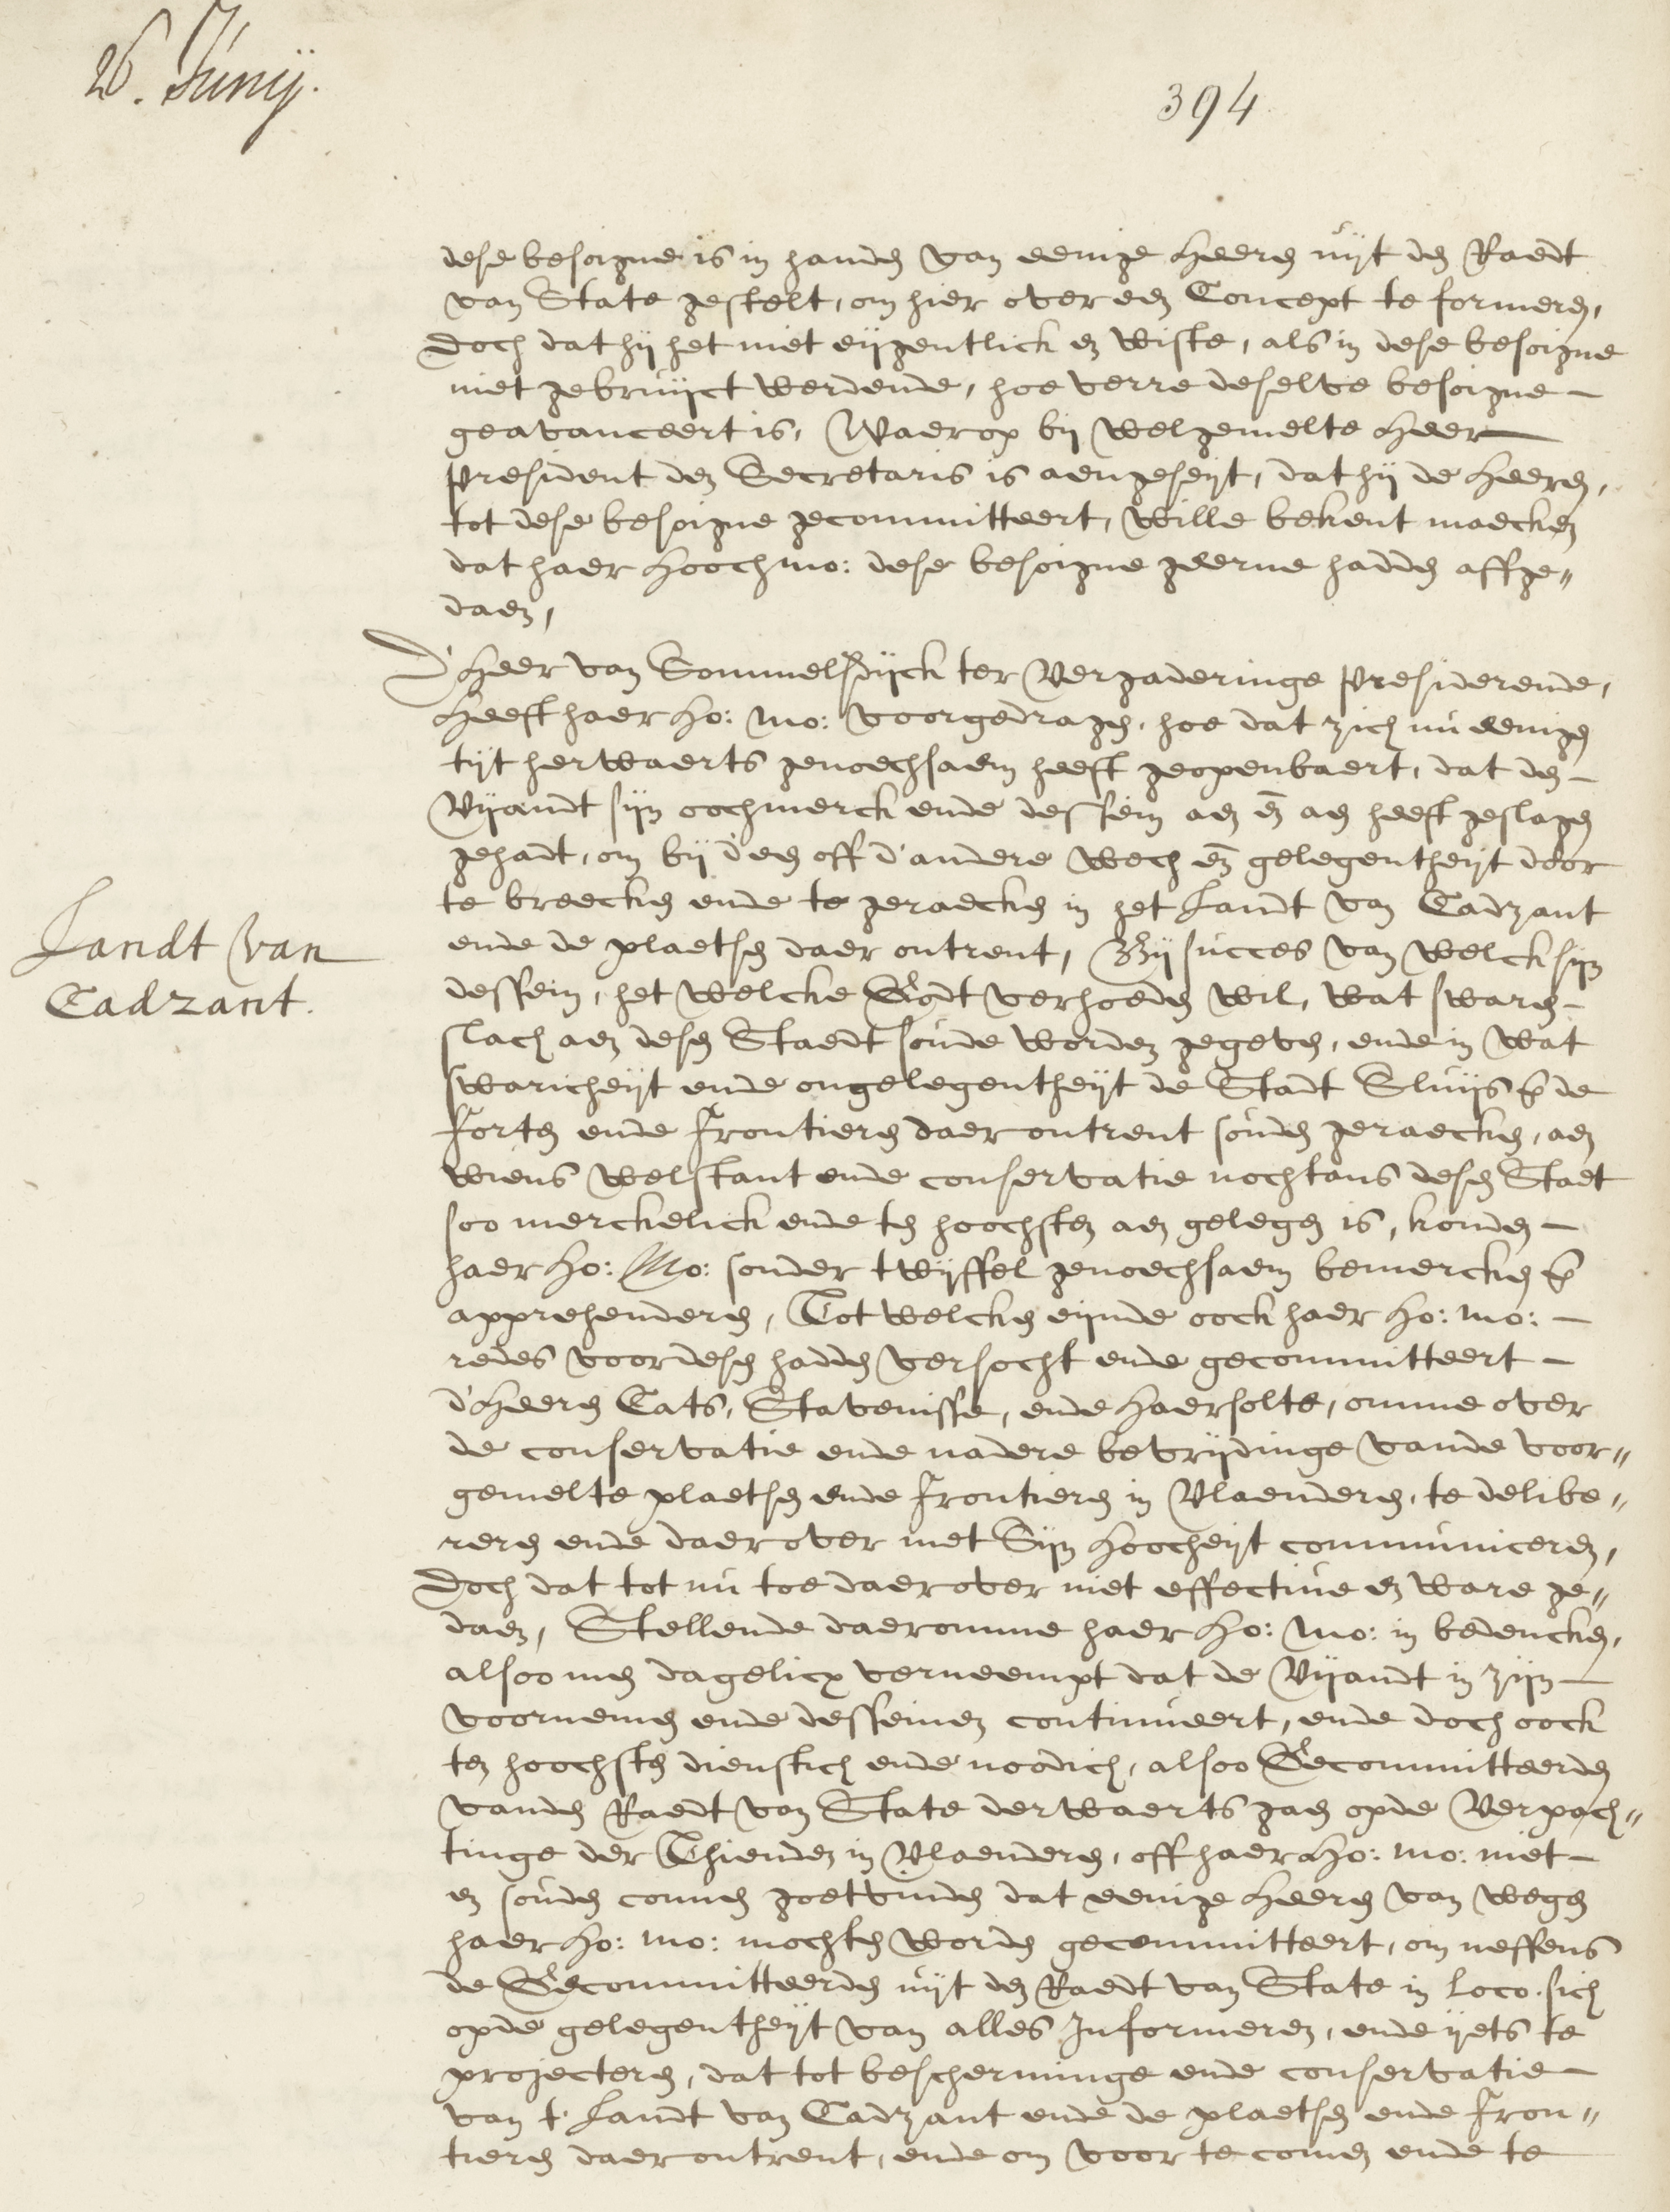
394
26. Junij.
dese besoigne is in handen van eenige Heeren uijt den Raedt
van State gestelt, om hier over een Concept te formeren,
Doch dat hij het niet eijgentlick en wiste, als in dese besoigne
niet gebruijct werdende, hoe verre deselve besoigne
geavanceert is. Waerop bij welgemelte Heer
president den Secretaris is aengeseijt, dat hij de Heeren,
tot dese besoigne gecommitteert, wille bekent maecken
dat haer Hooch mo: dese besoigne geerne hadden affge„
daen.
Landt van
Cadzant.
D'Heer van Sommelsdijck ter Vergaderinge presiderende,
Heeft haer Ho:Mo: voorgedragen, hoe dat zich nu eenigen
tijt herwaerts genoechsaem heeft geopenbaert, dat den-
Vijandt sijn oochmerck ende dessein aen en aen heeft geslagen
gehadt, om bij d'een off d'andere wech en gelegentheijt door
te breecken ende te geraecken in het Landt van Cadzant
ende de plaetsen daer ontrent. Bij succes van welck sijn
dessein, het welcke Godt verhoeden wil, wat swaren -
slach aen desen Staedt soude worden gegeven, ende in wat
swaricheijt ende ongelegentheijt de Stadt Sluijs & de
forten ende frontieren daer ontrent souden geraecken, aen
wiens welstant ende conservatie nochtans desen Staet
soo merckelick ende ten hoochsten aen gelegen is, konden
haer Ho:Mo: sonder twijffel genoechsaem bemercken &
apprehenderen. Tot welcken eijnde oock haer Ho:Mo:
redes voordesen hadden versocht ende gecommitteert.
d'Heeren Cats, Stavenisse, ende Haersolte, omme over
de conservatie ende nadere bevrijdinge vande voor„
gemelte plaetsen ende frontieren in Vlaenderen, te delibe„
reren ende daerover met Sijn Hoocheijt comunniceren.
Doch dat tot nu toe daer over niet effectiue en ware ge„
daen, Stellende daeromme haer Ho:Mo: in bedencken,
alsoo men dagelicx verneempt dat de Vijandt in zijn
voornemen ende desseinen continueert, ende doch oock
ten hoochsten dienstich ende noodich, alsoo Gecommitteerden
vanden Raedt van State derwaerts gaen opde Verpach„
tinge der Thienden in Vlaenderen, off haer Ho:Mo: niet —
en souden connen goetvinden dat eenige Heeren van wegen
haer Ho:Mo: mochten worden gecommitteert, om neffens
de Gecommitteerden uijt den Raedt van State in loco, sich
opde gelegentheijt van alles Informeren, ende ijets te
projecteren, dat tot bescherminge ende conservatie
van t'Landt van Cadzant ende de plaetsen ende fron„
tieren daerontrent, ende om voor te comen ende te
